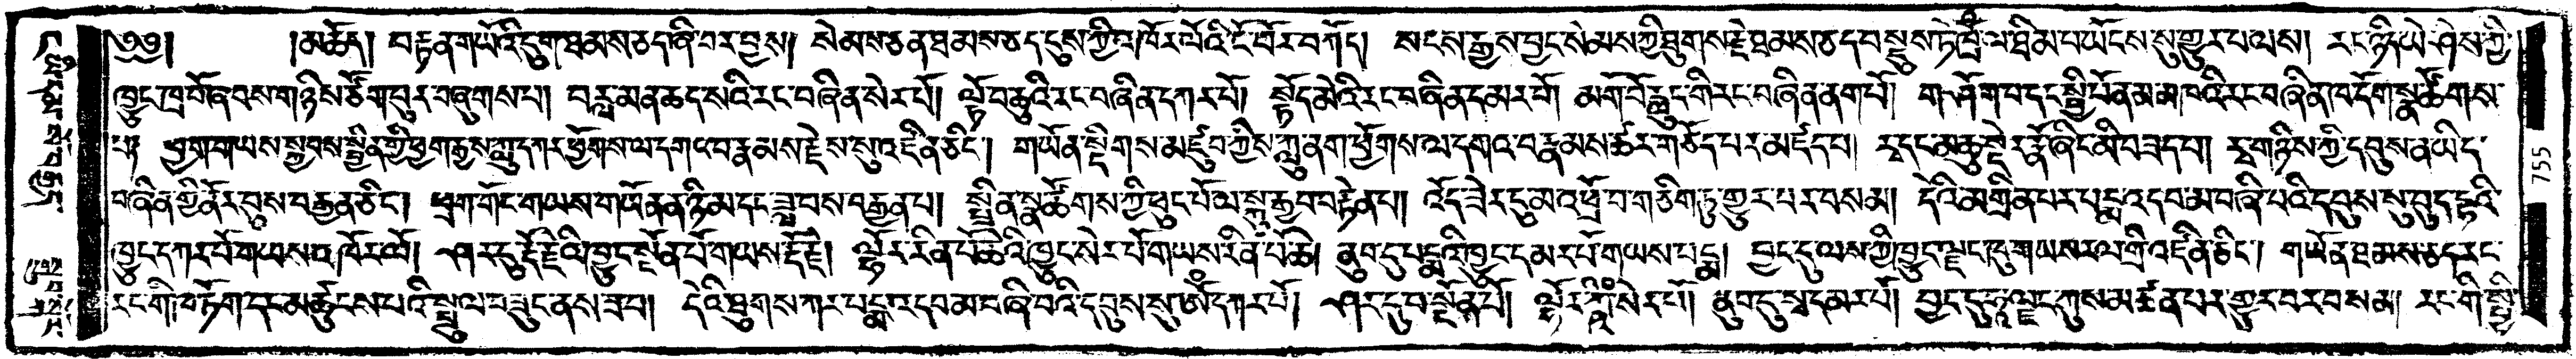༄༅། །མཆོད། བརྟན་གཡོའི་དུག་ཐམས་ཅད་ཞི་བར་བྱས། སེམས་ཅན་ཐམས་ཅད་དུས་ཀྱི་འཁོར་ལོའི་ངོ་བོར་བཀོད། སངས་རྒྱས་བྱང་སེམས་ཀྱི་ཐུགས་རྗེ་ཐམས་ཅད་བསྡུས་ཏེ་ཁྲོཾ་ལ་ཐིམ་པ་ཡོངས་སུ་གྱུར་པ་ལས། རང་ཉིད་ཡེ་ཤེས་ཀྱི་
ཁྱུང་ཁྲ་བོ་ཞབས་གཉིས་ཙོག་པུར་བཞུགས་པ། བརླ་མན་ཆད་སའི་རང་བཞིན་སེར་པོ། ལྟོ་བ་ཆུའི་རང་བཞིན་དཀར་པོ། སྟོད་མེའི་རང་བཞིན་དམར་པོ། མགོ་བོ་རླུང་གི་རང་བཞིན་ནག་པོ། གཤོག་པ་དང་སྤྱི་པོ་ནམ་མཁའི་རང་བཞིན་ཁ་དོག་སྣ་ཚོགས་
པ༑ ཕྱག་གཡས་སྐྱབས་སྦྱིན་གྱི་ཕྱག་རྒྱས་ཀླུ་དཀར་ཕྱོགས་ལ་དགའ་བ་རྣམས་རྗེས་སུ་འཛིན་ཅིང་། གཡོན་སྡིགས་མཛུབ་ཀྱིས་ཀླུ་ནག་ཕྱོགས་ལ་དགའ་བ་རྣམས་ཚར་གཅོད་པར་མཛད་པ། རྭ་དང་མཆུ་སྡེར་རྣོ་ཞིང་མི་བཟད་པ། རྭ་གཉིས་ཀྱི་དབུས་ན་ཡིད་
བཞིན་གྱི་ནོར་བུས་བརྒྱན་ཅིང་། ཕྲག་གོང་གཡས་གཡོན་ན་ཉི་མ་དང་ཟླ་བས་བརྒྱན་པ། སྤྲིན་སྣ་ཚོགས་ཀྱི་ཕུང་པོ་ལ་སྐུ་རྒྱབ་བརྟེན་པ། འོད་ཟེར་དུ་མ་འཕྲོ་བ་གཅིག་ཏུ་གྱུར་པར་བསམ། དེའི་མགྲིན་པར་པདམ་འདབ་མ་བཞི་པའི་དབུས་སུ་བུད་དྷའི་
ཁྱུང་དཀར་པོ་གཡས་འཁོར་ལོ། ཤར་དུ་རྡོ་རྗེའི་ཁྱུང་སྔོན་པོ་གཡས་རྡོ་རྗེ། ལྷོར་རིན་པོ་ཆེའི་ཁྱུང་སེར་པོ་གཡས་རིན་པོ་ཆེ། ནུབ་དུ་པདམའི་ཁྱུང་དམར་པོ་གཡས་པདམ། བྱང་དུ་ལས་ཀྱི་ཁྱུད་ལྗང་ཁུ་གཡས་རལ་གྲི་འཛིན་ཅིང་། གཡོན་ཐམས་ཅད་རང་
རང་གི་ཁ་ཏོག་དང་མཚུངས་པའི་སྤྲུལ་བཟུང་ནས་ཟ་བ། དེའི་ཐུགས་ཀར་པདམ་འདབ་མ་བཞི་པའི་དབུས་སུ་ཨོཾ་དཀར་པོ། ཤར་དུ་བ་སྔོན་པོ། ལྷོར་ཀཥིཾ་སེར་པོ། ནུབ་དུ་སྭཱ་དམར་པོ། བྱང་དུ་ཧཱ་ལྗང་དཀུས་མཚན་པར་གྱུར་པར་བསམ། རང་གི་སྤྱི་